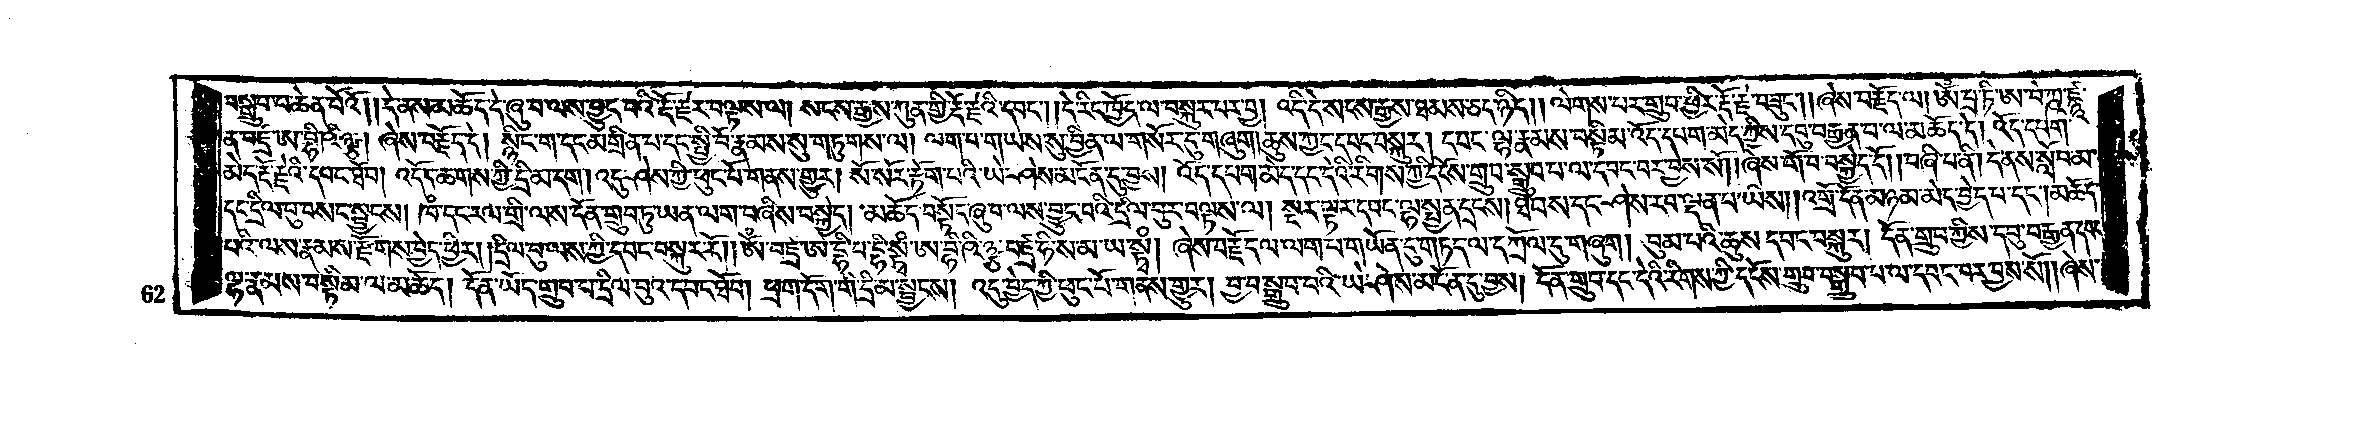བསྒྲུབ་པ་ཆེན་པོའོ། །དེ་ནས་མཆོད་དེ་ཞུ་བ་ལས་བྱུང་བའི་རྡོ་རྗེར་བལྟས་ལ། སངས་རྒྱས་ཀུན་གྱི་རྡོ་རྗེའི་དབང་། །དེ་རིང་ཁྱོད་ལ་བསྐུར་བར་བྱ། འདི་དེ་སངས་རྒྱས་ཐམས་ཅད་ཉིད། །ལེགས་པར་གྲུབ་ཕྱིར་རྡོ་རྗེ་བཟུང་། །ཞེས་བརྗོད་ལ། ཨོཾ་པྲ་ཏི་ཨ་བེ་ཀྵ་ཛྙཱ་
ན་བྫྲ་ཨ་བྷི་ཥི་ཉྩ། ཞེས་བརྗོད་དེ། སྙིང་ག་དང་མགྲིན་པ་དང་སྤྱི་བོ་རྣམས་སུ་གཏུགས་ལ། ལག་པ་གཡས་སུ་བྱིན་ལ་གསོར་དུ་གཞུག །ཆུས་ཀྱང་དབང་བསྐུར། དབང་ལྷ་རྣམས་བསྟིམ་འོད་དཔག་མེད་ཀྱིས་དབུ་བརྒྱན་པ་ལ་མཆོད་དེ། འོད་དཔག་
མེད་རྡོ་རྗེའི་དབང་ཐོབ། འདོད་ཆགས་ཀྱི་དྲི་མ་དག །འདུ་ཤེས་ཀྱི་ཕུང་པོ་གནས་གྱུར། སོ་སོར་རྟོག་པའི་ཡེ་ཤེས་མངོན་དུ་བྱས། འོད་དཔག་མེད་དང་དེའི་རིགས་ཀྱི་དངོས་གྲུབ་སྒྲུབ་པ་ལ་དབང་བར་བྱས་སོ། །ཞེས་གོ་བ་བསྐྱེད་དོ། །བཞི་པ་ནི། དེ་ནས་སློབ་མ་
དང་དྲིལ་བུ་བསང་སྦྱངས། ཁཾ་དང་རལ་གྲི་ལས་དོན་གྲུབ་ཏུ་ཡན་ལག་བཞིས་བསྐྱེད། མཆོད་བསྟོད་ཞུ་བ་ལས་བྱུང་བའི་དྲིལ་བུར་བལྟས་ལ། སྔར་ལྟར་དབང་ལྷ་སྤྱན་དྲངས། ཐབས་དང་ཤེས་རབ་ལྡན་པ་ཡིས། །འགྲོ་དོན་མཉམ་མེད་བྱེད་པ་དང་། མཆོད་
པའི་ལས་རྣམས་རྫོགས་བྱེད་ཕྱིར། །དྲིལ་བུ་ལས་ཀྱི་དབང་བསྐུར་རོ། །ཨོཾ་བྫྲ་ཨ་དྷི་པ་དྷི་སྟྭཾ་ཨ་བྷི་ཥི་ཉྩ་བྫྲ་ཧི་ས་མ་ཡ་སྟྭཾ། ཞེས་བརྗོད་ལ་ལག་པ་གཡོན་དུ་གཏད་ལ་དཀྲོལ་དུ་གཞུག །བུམ་པའི་ཆུས་དབང་བསྐུར། དོན་གྲུབ་ཀྱིས་དབུ་བརྒྱན་དབང་
ལྷ་རྣམས་བསྟིམ་ལ་མཆོད། དོན་ཡོད་གྲུབ་པ་དྲིལ་བུའི?་དབང་ཐོབ། ཕྲག་དོག་གི་དྲི་མ་སྦྱངས། འདུ་བྱེད་ཀྱི་ཕུང་པོ་གནས་གྱུར། བྱ་བ་སྒྲུབ་པའི་ཡེ་ཤེས་མངོན་དུ་བྱས། དོན་གྲུབ་དང་དེའི་རིགས་ཀྱི་དངོས་གྲུབ་བསྒྲུབ་པ་ལ་དབང་བར་བྱས་སོ། །ཞེས་